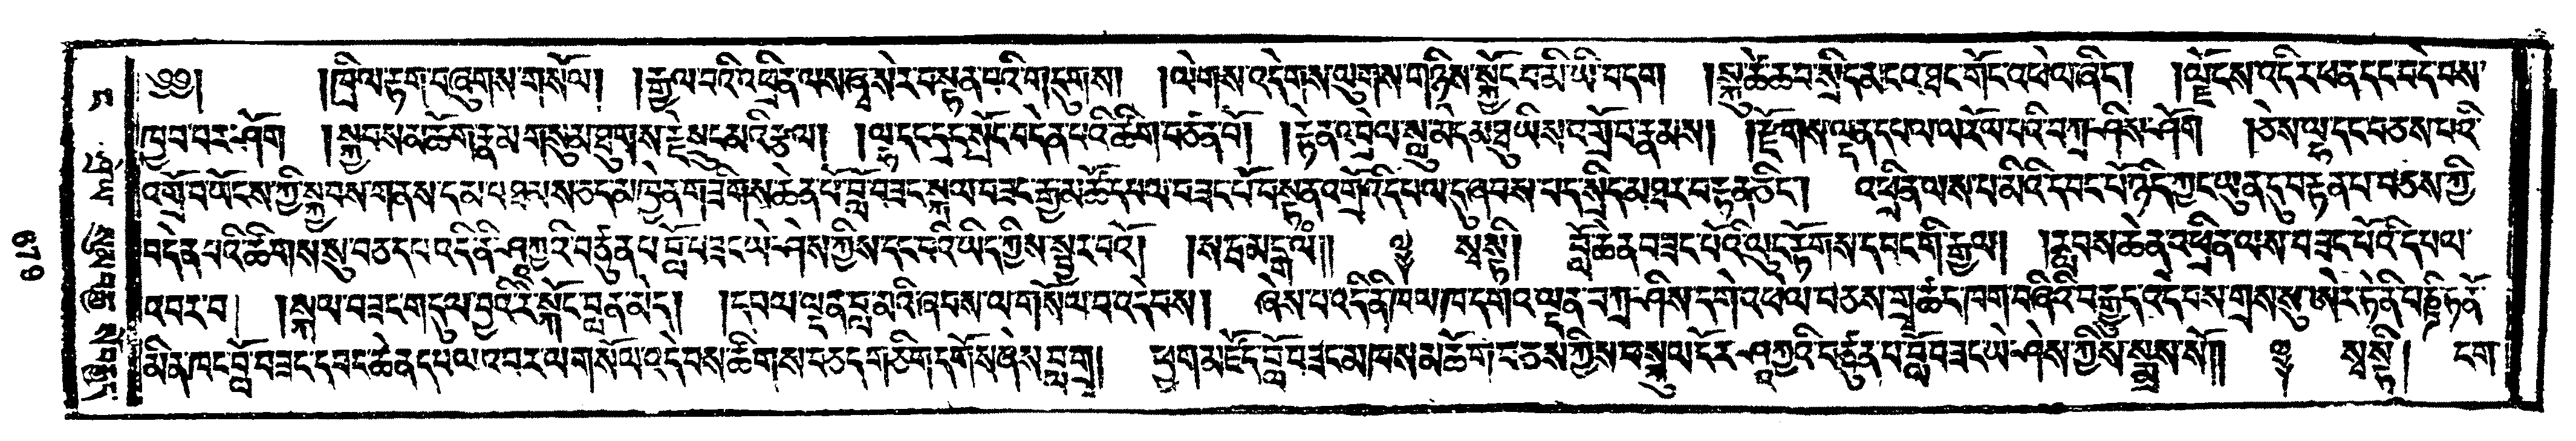༄༅། །ཁྲིལ་རྟག་བཞུགས་གསོལ། །རྒྱལ་བའི་འཕྲིན་ལས་ཞྭ་སེར་བསྟན་པའི་གདུགས། །ལེགས་འདེགས་ལུགས་གཉིས་སྐྱོང་བ་མི་ཡི་བདག །སྐུ་ཚེ་ཆབ་སྲིད་མངའ་ཐང་གོང་འཕེལ་ཞིང་། །ལྗོངས་འདིར་ཕན་དང་བདེ་བས་
ཁྱབ་པར་ཤོག །སྐྱབས་མཆོག་རྣམ་གསུམ་ཐུགས་རྗེ་སྲུང་མའི་རྩལ། །ལྷ་དང་དྲང་སྲོང་བདེན་པའི་ཚིག་བཙན་པོ། །རྟེན་འབྲེལ་སླུ་མེད་མཐུ་ཡིས་འགྲོ་བ་རྣམས། །རྫོགས་ལྡན་དཔལ་ལ་རོལ་པའི་བཀྲ་ཤིས་ཤོག །ཅེས་ལྷ་དང་བཅས་པའི་
འགྲོ་བ་ཡོངས་ཀྱི་སྐྱབས་གནས་དམ་པ་ཐམས་ཅད་མཁྱེན་གཟིགས་ཆེན་པོ་བློ་བཟང་སྐལ་བཟང་རྒྱ་མཚོ་དཔལ་བཟང་པོ་བསྟན་མིའི་དབང་པོ་ཉིད་ཀྱང་ཕུན་དུ་བརྟན་པ་བཅས་ཀྱི་བདེན་པའི་མིའི་དབང་པོ་ཉིད་ཀྱང་ཡུན་དུ་བརྟན་པ་བཅས་ཀྱི་
བདེན་པའི་ཚིགས་སུ་བཅད་པ་འདི་ནི་ཤཱཀྱའི་བཙུན་པ་བློ་བཟང་ཡེ་ཤེས་ཀྱིས་དང་བའི་ཡིད་ཀྱིས་སྦྱར་བའོ། །སརྦ་མངྒལཾ།། ༈ སྭསྟི། བློ་ཆེན་བཟང་པོའི་ལུང་རྟོགས་དབང་གི་རྒྱལ། །རླབས་ཆེན་འཕྲིན་ལས་བཟང་པོའི་དཔལ་
འབར་བ། །སྐལ་བཟང་གདུལ་བྱའི་རི་སྐོང་བླ་ན་མེད། །དབལ་ལྡན་བླ་མའི་ཞབས་ལ་གསོལ་བ་འདེབས། ཞེས་པ་འདི་ནི་ཁལ་ཁ་དགའ་ལྡན་བཀྲ་ཤིས་དགེ་འཕེལ་བཅས་གྲྭ་ཚང་ཁག་བཞིའི་བརྒྱུད་འདེབས་གྲས་སུ་ཨེར་ཏེ་ནི་པཎྚི་ཏ་ནོ་
མིན་ཁང་བློ་བཟང་དབང་ཆེན་དཔལ་འབར་ལ་གསོལ་འདེབས་ཚིགས་བཅད་གཅིག་དགོས་ཞེས་བླ་གྲྭ། ཕྱག་མཛོད་བློ་བཟང་མཁས་མཆོག་བཅས་ཀྱིས་བསྐུལ་ངོར་ཤཱཀྱའི་བཙུན་པ་བློ་བཟང་ཡེ་ཤེས་ཀྱིས་སྨྲས་སོ།། ༈ སྭསྟི། ངག་